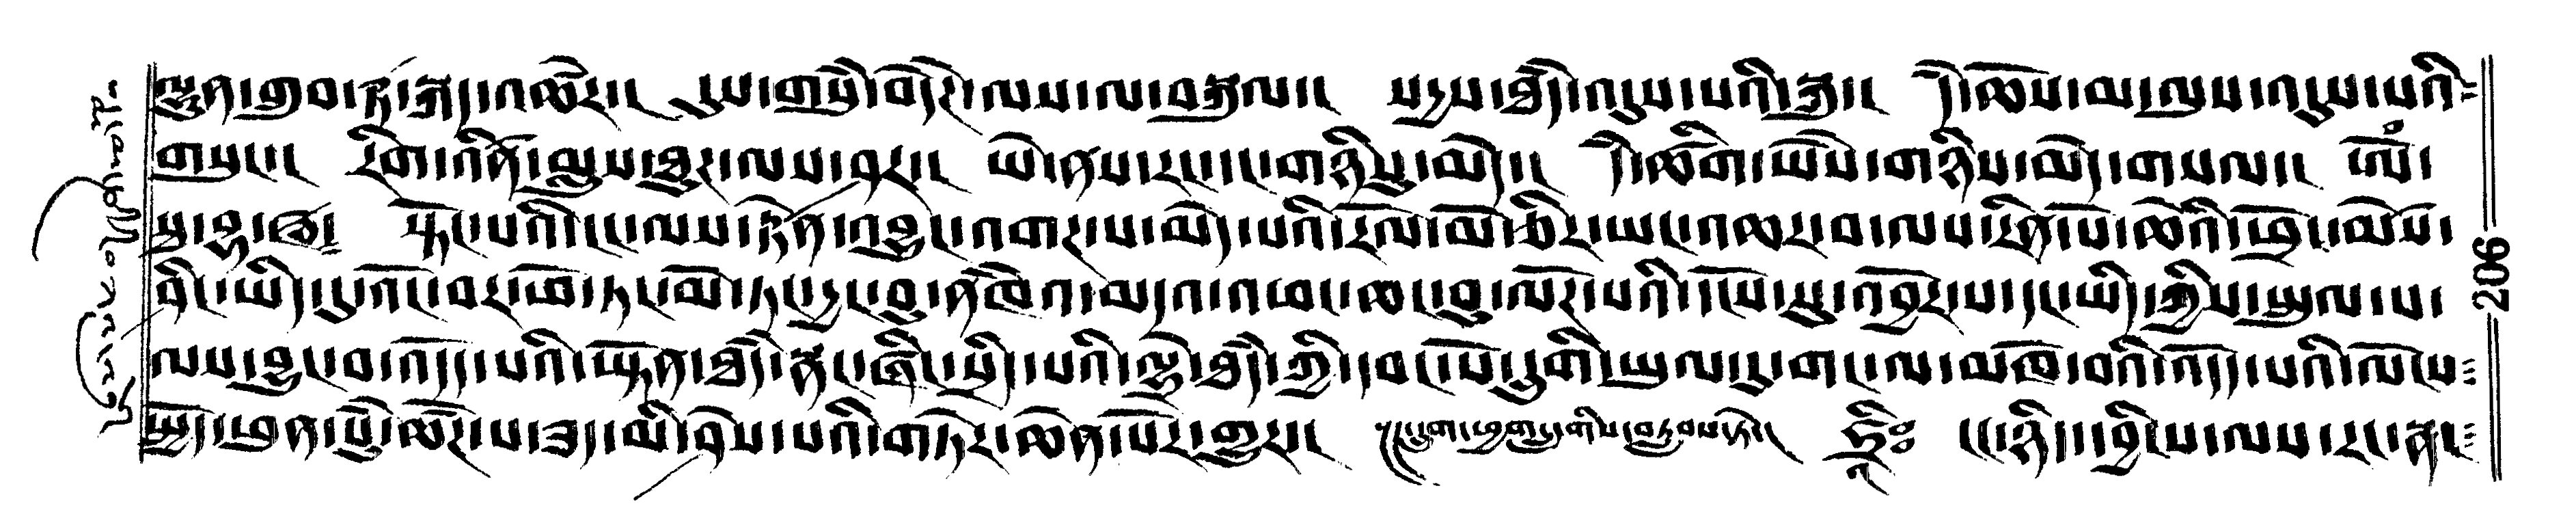ལྷུན་གྲུབ་རྟ་སྐད་འཚེར། །དུས་གསུམ་བདེ་གཤེགས་ལས་ལ་བསྐུལ། །སངས་རྒྱས་ཐམས་ཅད་འདུས་པའི་སྐུ། །དམ་ཆོས་མ་ལུས་འདུས་པའི་
གསུང་། །རིག་འཛིན་མ་ལུས་ཐུགས་ལས་ཤར། །ཡེ་ནས་རང་དང་གཉིས་སུ་མེད། །དམ་ཚིག་ཡེ་ཤེས་གཉིས་མེད་གསལ། ཨོཾ་
སྭ་བྷ་ཝ༴ སྟོང་པའི་ངང་ལས་རྟེན་འབྱུང་འགག་པ་མེད་པའི་རོལ་མོ་ཅིར་ཡང་འཆར་བ་ལས་རིན་པོ་ཆེའི་ཕོ་བྲང་མཛེས་
ཤིང་དུ་ཡིད་དུ་འོང་བར་ཕོ་ཏང་མོ་ཏང་རྒྱང་བུ་ནམ་མཁའ་མདའ་འཕང་ཆང་བུ་ལ་སོགས་པའི་དངོས་སུ་འབྱོར་པ་དང་ཡིད་ཀྱིས་སྤྲུལ་པ་
ལས་བྱུང་བ་འདོད་པའི་ཡོན་ཏན་ཐམས་ཅད་སྣང་ཞིང་སྲིད་པའི་ལྷ་འདྲེ་ཐམས་ཅད་ཀྱི་དབང་པོ་དྲུག་གི་ཡུལ་དུ་གང་ལ་མཁོ་བའི་འདོད་པའི་ལོངས་
སྤྱོད་ཕུན་སུམ་ཚོགས་པ་ཟད་མི་ཤེས་པའི་གཏེར་ཆེན་པོར་གྱུར། སྔགས་དྲུག་ཕྱག་དྲུག་གིས་བརླབས་ཏེ། ཧྲཱིཿ ངང་ཉིད་དབྱིངས་ལས་རང་སྣང་